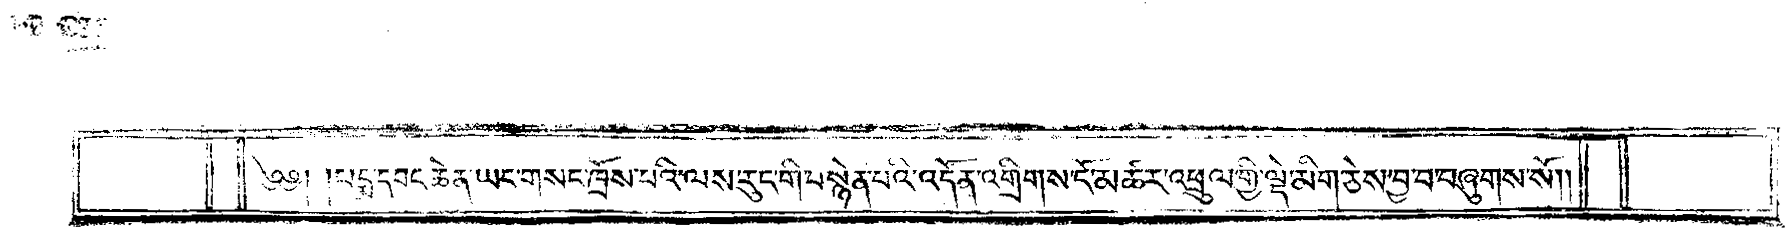༄༅། །པདམ་དབང་ཆེན་ཡང་གསང་ཁྲོས་པའི་ལས་རུང་གི་བསྙེན་པའི་འདོན་འགྲིགས་ངོ་མཚར་འཕྲུལ་གྱི་ལྡེ་མིག་ཅེས་བྱ་བ་བཞུགས་སོ།།